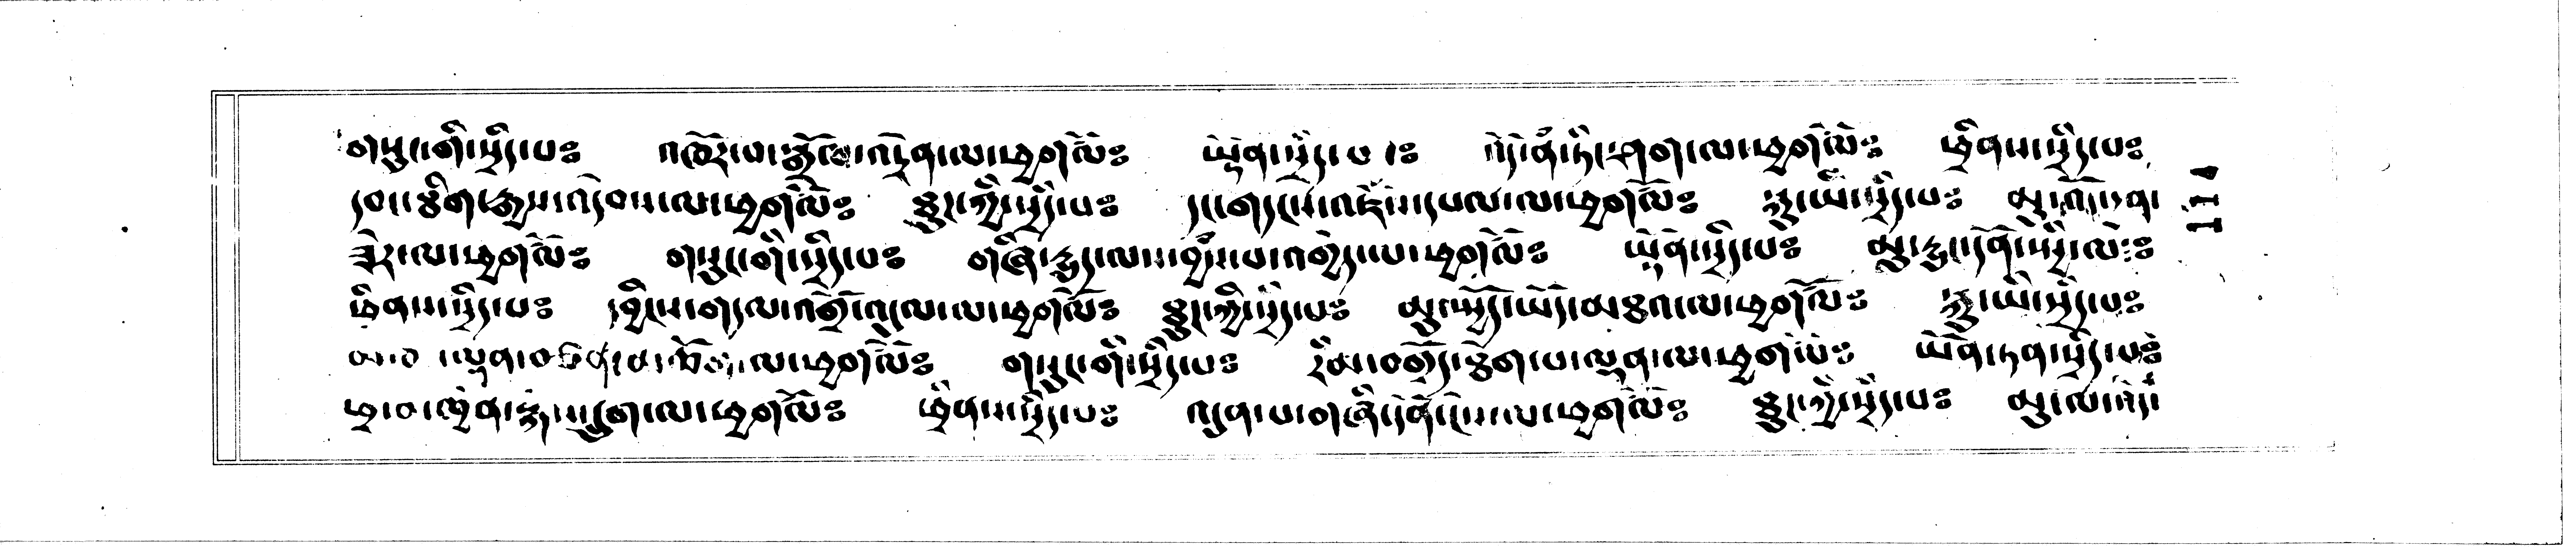གསུང་གི་སྲིད་པཿ འཁོར་བ་སྒྲོལ་འདྲེན་ལ་ཕྱག་འཚལ་ལོཿ ཡོན་ཏན་གྱི་སྲིད་པཿ འོད་ནམ་ཏིང་ཤག་ལ་ཕྱག་འཚལ་ལོཿ ཕྲིན་ལས་ཀྱི་སྲིད་པཿ
དབང་ཐིག་རྒྱས་ཐིག་འདེབས་ལ་ཕྱག་འཚལ་ལོཿ ཐུགས་ཀྱི་སྲིད་པཿ དང་གདང་འཇམ་དཔལ་ལ་ཕྱག་འཚལ་ལོཿ སྐུ་ཡི་སྲིད་པཿ མུ་འོད་རྒྱན་
ཟེར་ལ་ཕྱག་འཚལ་ལོཿ གསུང་གི་སྲིད་པཿ གཞི་རྒྱུད་ལས་བྱམས་པ་འགྱེད་ལ་ཕྱག་འཚལ་ལོཿ ཡོན་ཏན་གྱི་སྲིད་པཿ མུ་རྒྱུང་དོན་སྤྱི་ལ་ཕྱག་འཚལ་ལོཿ 
ཕྲིན་ལས་ཀྱི་སྲིད་པཿ དབྱིངས་བདལ་འགྲོ་འདུལ་ལ་ཕྱག་འཚལ་ལོཿ ཐུགས་ཀྱི་སྲིད་པཿ མུ་སྤྱོད་ཡོད་མཐའ་ལ་ཕྱག་འཚལ་ལོཿ སྐུ་ཡི་སྲིད་པཿ 
མཁའ་ལྡན་བཙན་མཆོག་ལ་ཕྱག་འཚལ་ལོཿ གསུང་གི་སྲིད་པཿ རིམ་བགྲོད་ཐེག་པ་ལྡན་ལ་ཕྱག་འཚལ་ལོཿ ཡོན་ཏན་གྱི་སྲིད་པཿ 
ཕྲ་མཁྱེན་སྐོས་དྲུག་ལ་ཕྱག་འཚལ་ལོཿ ཕྲིན་ལས་ཀྱི་སྲིད་པཿ འདུན་པ་གཞི་དོན་ངེས་ལ་ཕྱག་འཚལ་ལོཿ ཐུགས་ཀྱི་སྲིད་པཿ མུ་ལ་འོད་